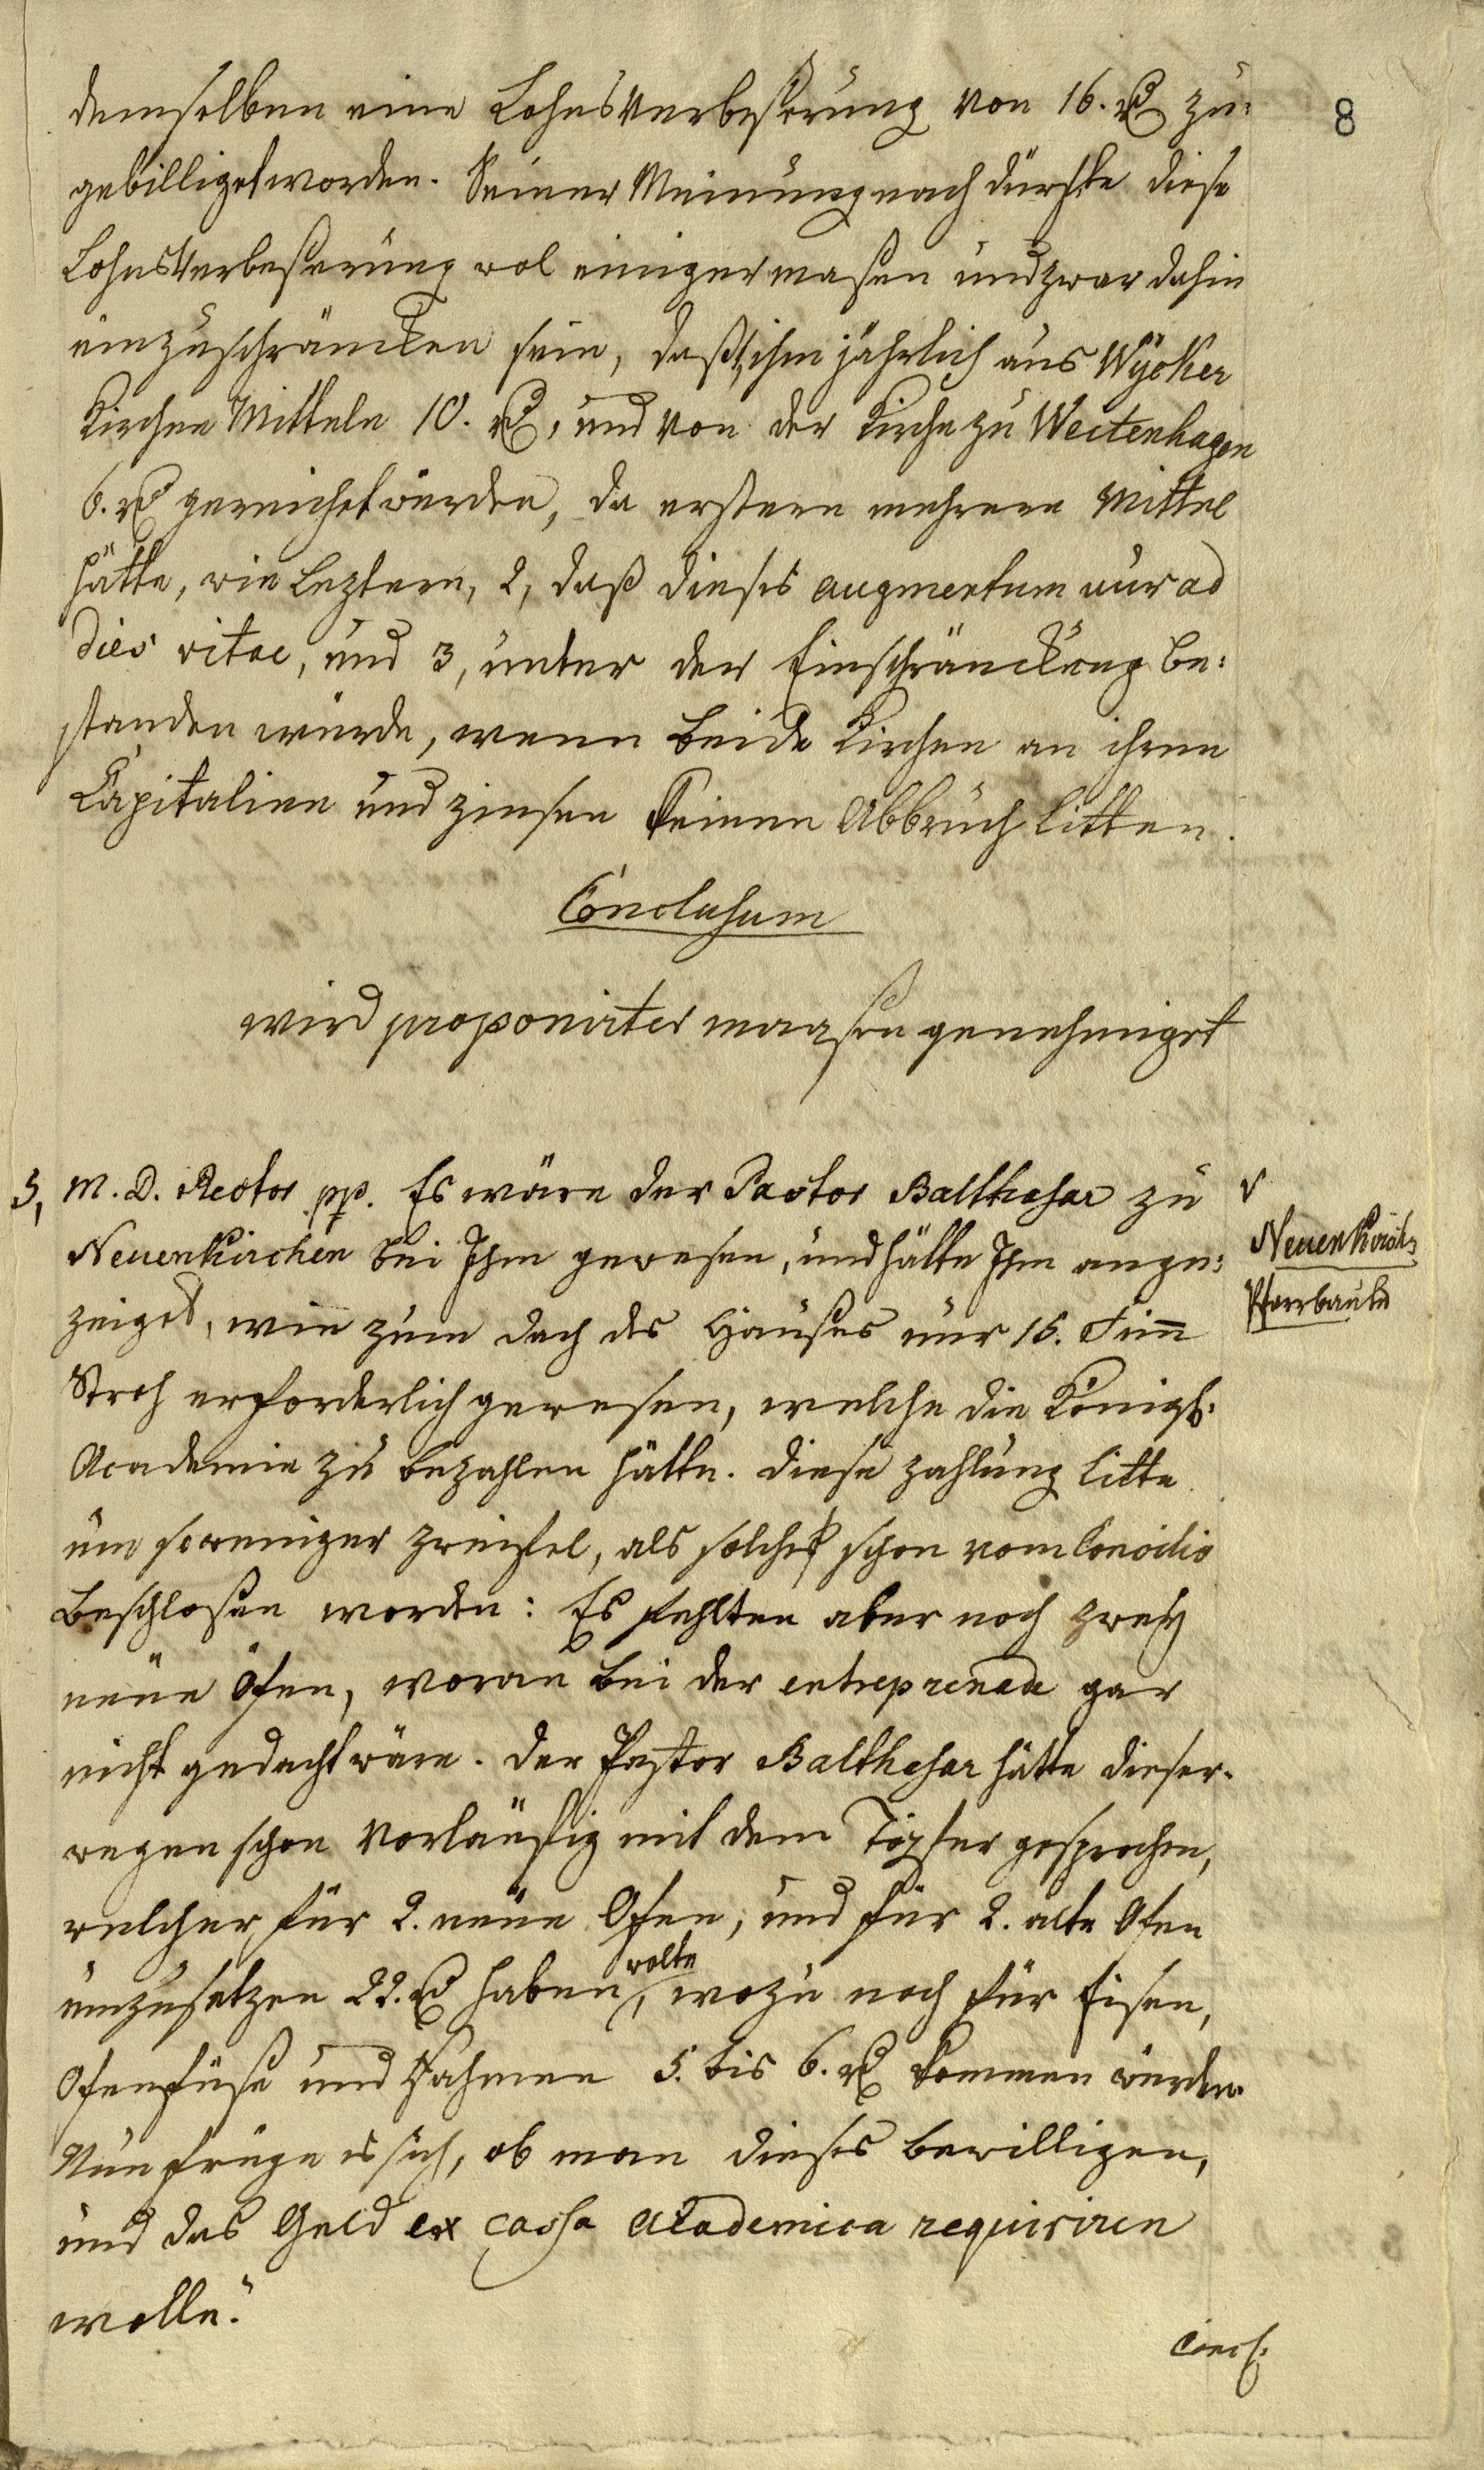demselben eine Lohnsverbeßerung von 16 r. zu¬
gebilligt worden. Seiner Meinung nach dürfte diese
Lohnsverbeßerung wol einiger maßen und zwar dahin
einzuschränken sein, daß 1, ihm jährlich aus Wÿcker
Kirchen Mitteln 10. r, und von der Kirche zu Weitenhagen
6. r gereichet würden, da erstere mehrere Mittel
hätte, wie leztere, 2, daß dieses augmertum nur ad
dies vitae, und 3, unter der Einschränckung be¬
standen würde, wenn beide Kirchen an ihren
Capitalien und Zinsen keinen Abbruch litten.
Conclusum
wird proponirter maaßen genehmiget
5. M. D. Rector pp. Es wäre der Pastor Balthasar zu
Neuenkirchen bei ihm gewesen, und hätte ihm ange- Neuenkirchen
zeiget, wie zum Dach des Hauses nur 16. Fim Pfarrbaute
Stroh erforderlich gewesen, welche die Königl:
Academie zu bezahlen hätte. Diese Zahlung litte
um so weniger Zweifel, als solches schon vom Concilio
beschlossen worden: es fehlten aber noch zweÿ
neue Öfen, woran bei der entreprenade gar
nicht gedacht wäre. Der Pastor Balthasar hätte dieser¬
wegen schon vorläufig mit dem Töpfer gesprochen,
welcher für 2 neue Ofen, und für 2 alte Ofen
umzusetzen 22. r haben wolte, wozu noch für Eisen,
Ofenfüße und Rahmen 5. bis 6. r kommen würden.
Nun früge er sich , ob man dieses bewilligen,
und das Geld ex cassa Akademica requiriren
wolle. Concl